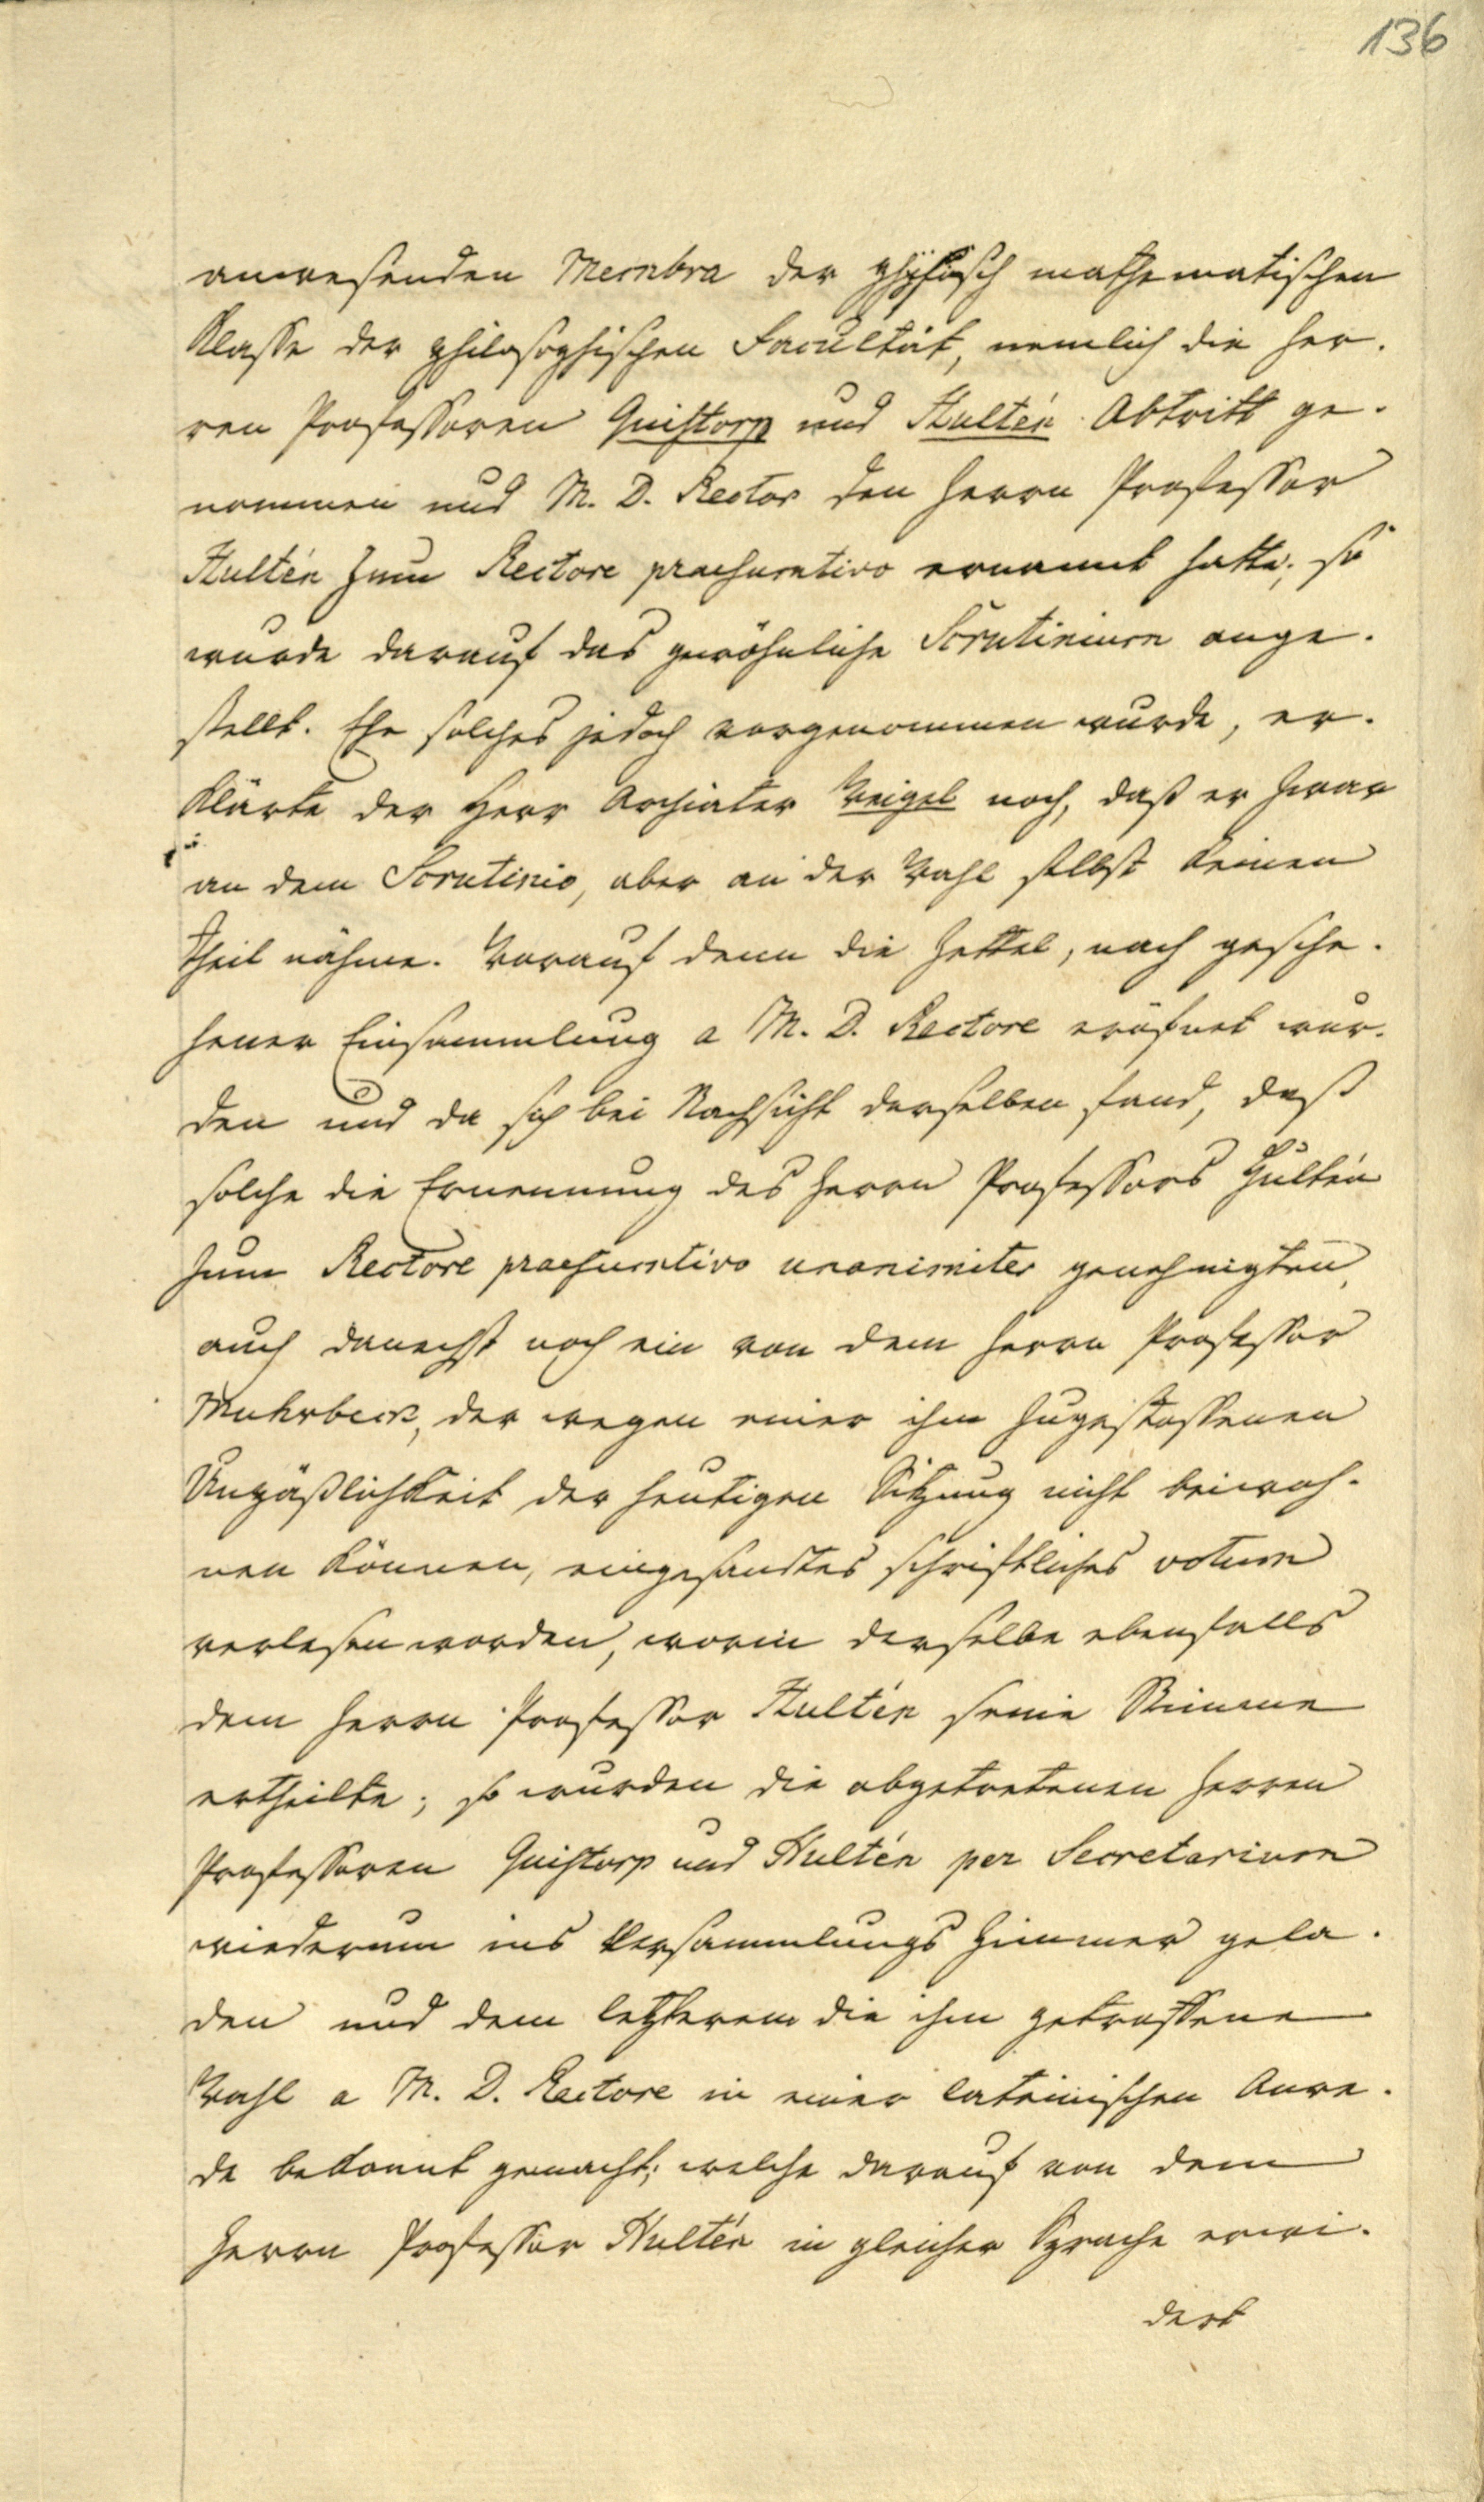anwesenden Membra der phÿsisch mathematischen
Klasse der philosophischen Facultät, nemlich die Her¬
ren Professoren Quistorp und Hultén Abtritt ge¬
nommen und M. D. Rector den Herrn Professor
Hultén zum Rectore paesumtivo ernannt hatte; so
wurde darauf das gewöhnliche Scrutinium ange¬
stellet. Ehe solches jedoch vorgenommen wurde, er¬
klärte der Herr Archiater Weigel noch, daß er zwar
an dem Scrutinio, aber an der Wahl selbst keinen
Theil nähme. Worauf denn die Zettel, nach gesche¬
hener Einsammlung a M. D. Rectore eröfnet wur¬
den und da sich bei Nachsicht derselben fand, daß
solche die Ernennung des Herrn Professors Hultén
zum Rectore praesumtivo unanimiter genehmigten,
auch danechst noch ein von dem Herrn Professor
Muhrbeck, der wegen einer ihm zugestossenen
Unpäßlichkeit der heutigen Sitzung nicht beiwoh¬
nen können, eingesandtes schriftliches votum
verlesen worden, worin derselbe ebenfalls
dem Herrn Professor Hultén seine Stimme
ertheilte; so wurden die abgetretenen Herren
Professoren Quistorp und Hultén per Secretarium
wiederum ins Versammlungs Zimmer gela¬
den und dem letzteren die ihm getroffene
Wahl a M. D. Rectore in einer lateinischen Anre¬
de bekannt gemacht; welche darauf von dem
Herrn Professor Hultén in gleicher Sprache erwi¬
dert